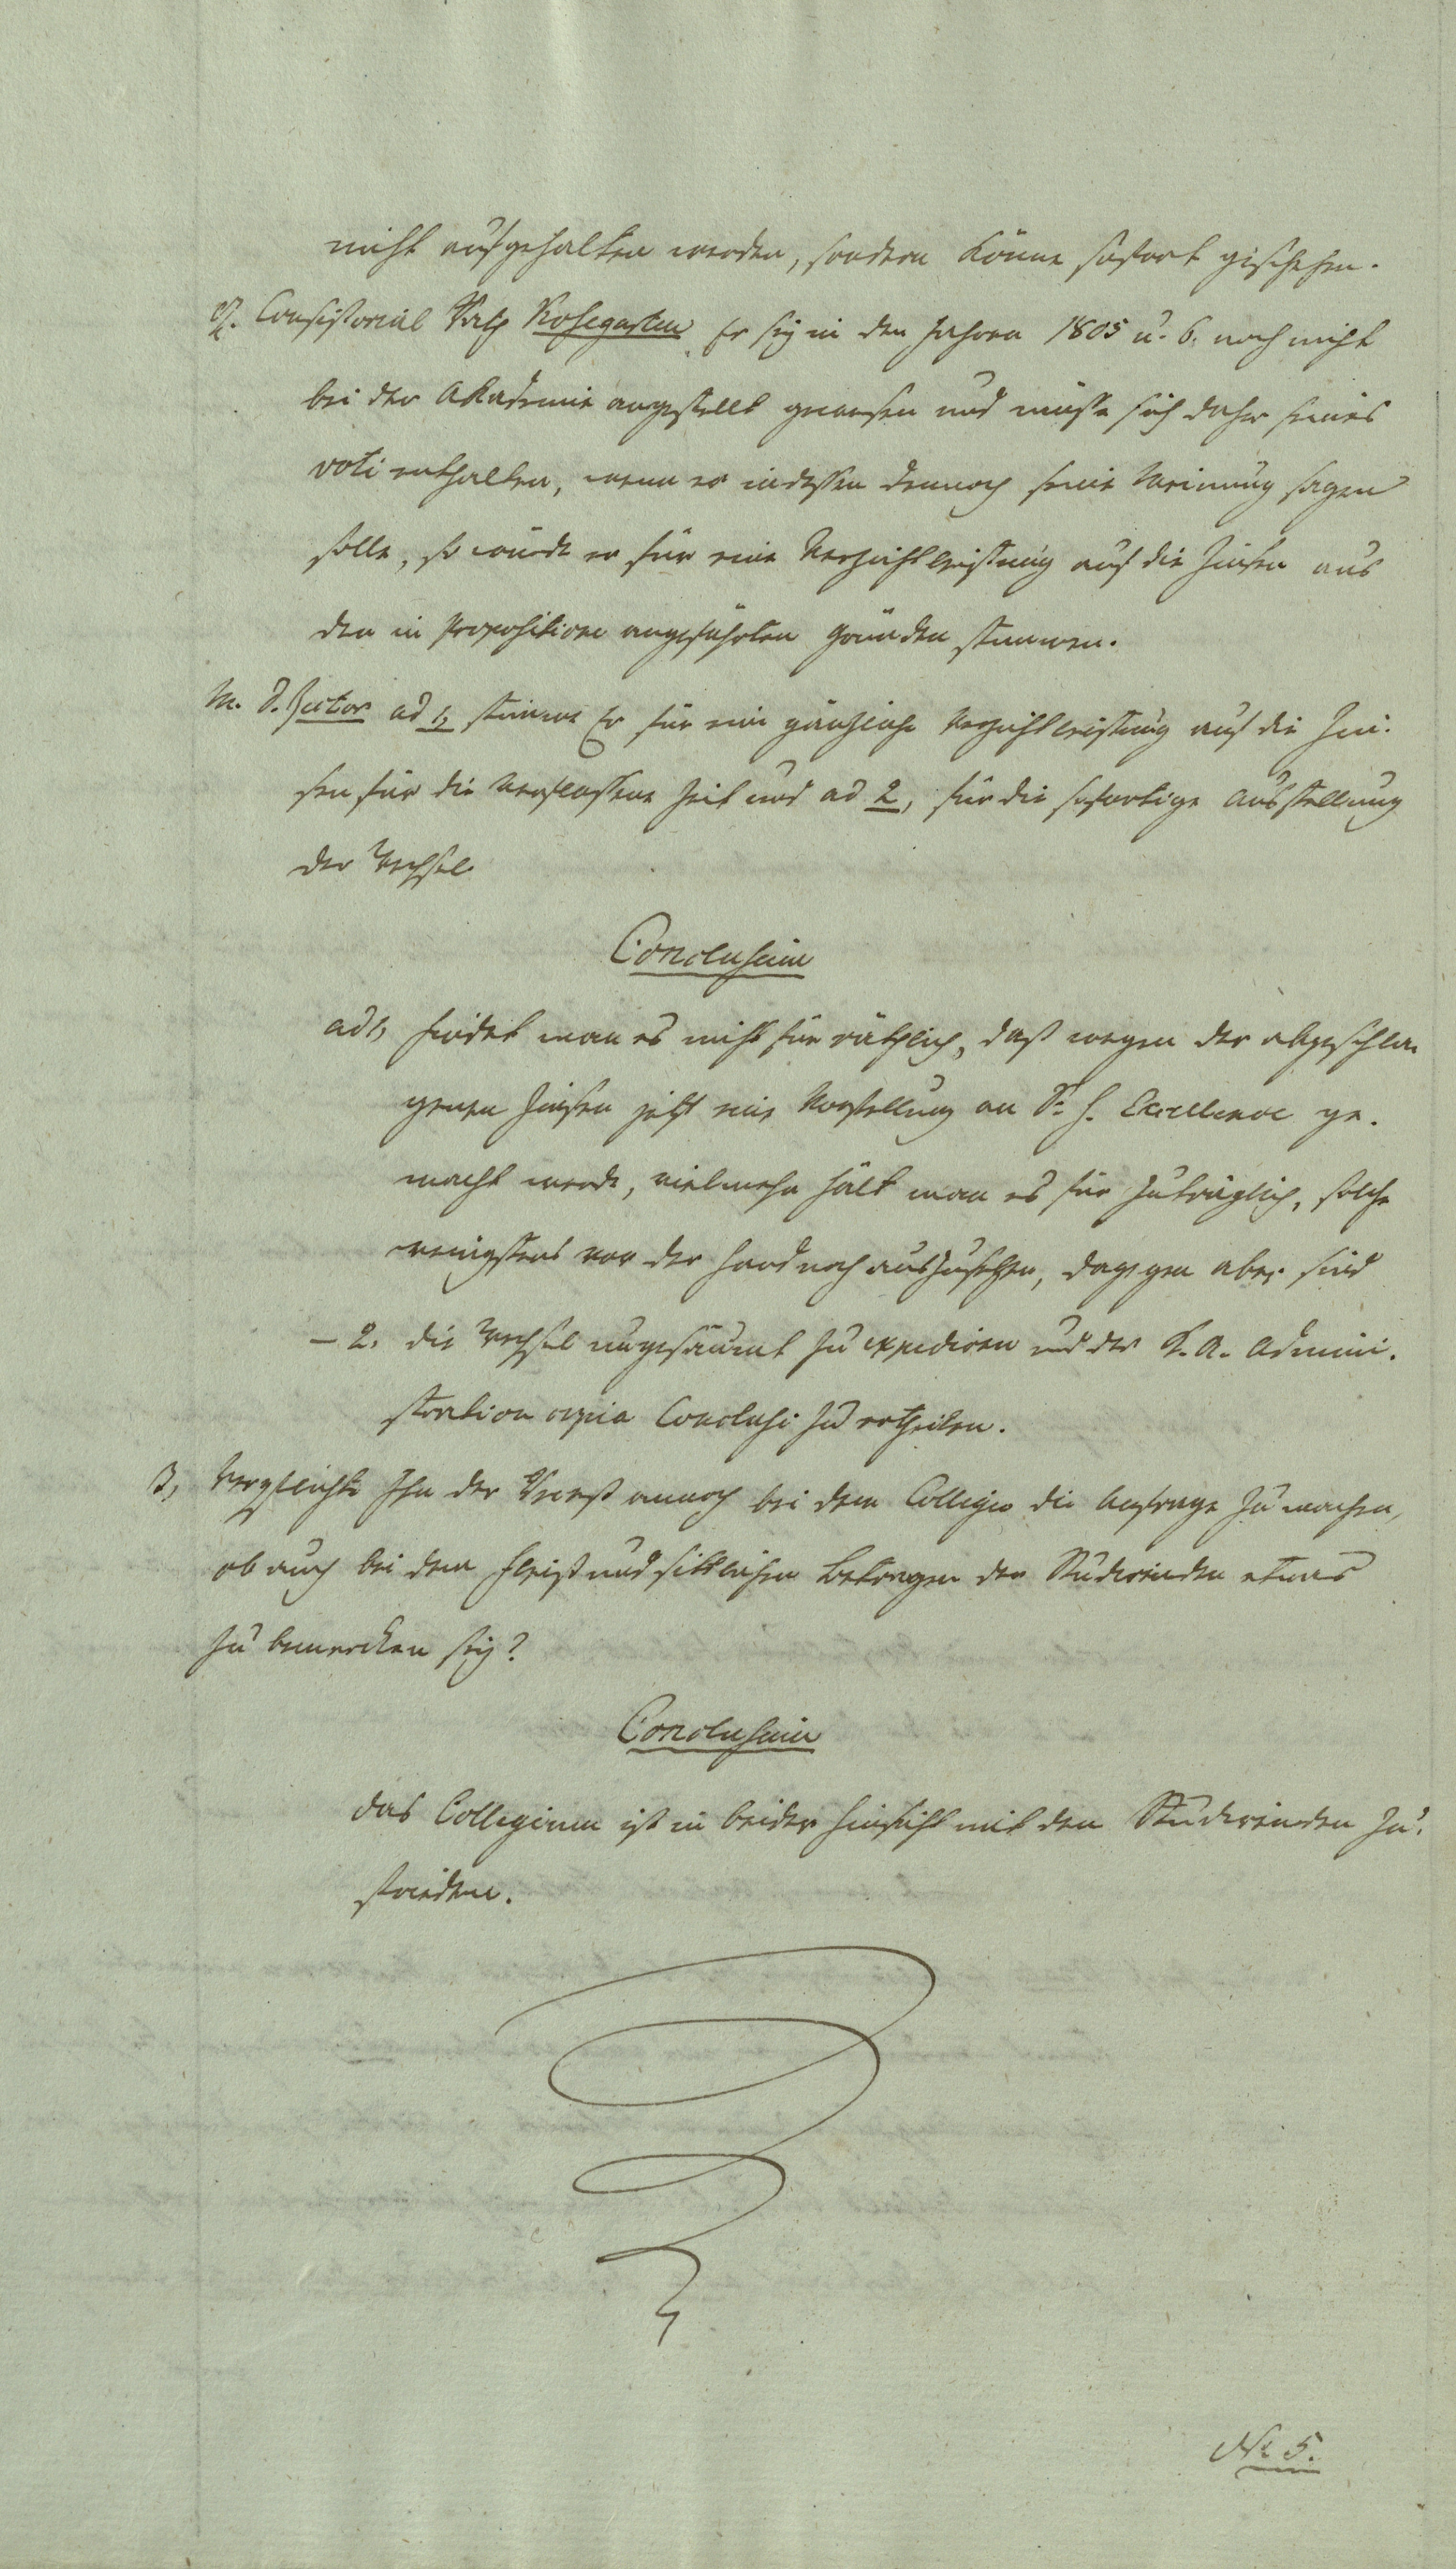nicht aufgehalten werden, sondern könne sofort geschehen.
dh. Consistorial Rath Kosegarten Er seÿ in den Jahren 1805 u. 6. noch nicht
bei der Akademie angestellt gewesen und müsse sich daher seines
voti enthalten, wenn er indessen dennoch seine Meinung sagen
solle, so würde er für eine Verzichtleistung auf die Zinsen aus
den in Propositione angeführten Gründen stimmen.
M. D. Rector ad 1, stimme Er für eine gänzliche Verzichtleistung auf die Zin¬
sen für die verflossene Zeit und ad 2, für die sofortige Ausstellung
der Wechsel.
Conclusum
ad 1, findet man es nicht für räthlich, daß wegen der abgeschla¬
genen Zinsen jetzt eine Vorstellung an Sr. h. Excellence ge¬
macht werde, vielmehr hält man es für zuträglich, solche
wenigstens vor der hand noch auszusetzen, dagegen aber sind
2. die Wechsel ungesäumt zu expediren und der K. A. Admini¬
stration copia Conclusi zu ertheilen.
3, Verpflichte Ihn der Receß annoch bei dem Collegio die Anfrage zu machen,
ob auch bei dem Fleiß und sittlichen Betragen der Studirenden etwas
zu bemercken seÿ?
Conclusum
Das Collegium ist in beider hinsicht mit den Studirenden zu¬
frieden.
Nº 5.